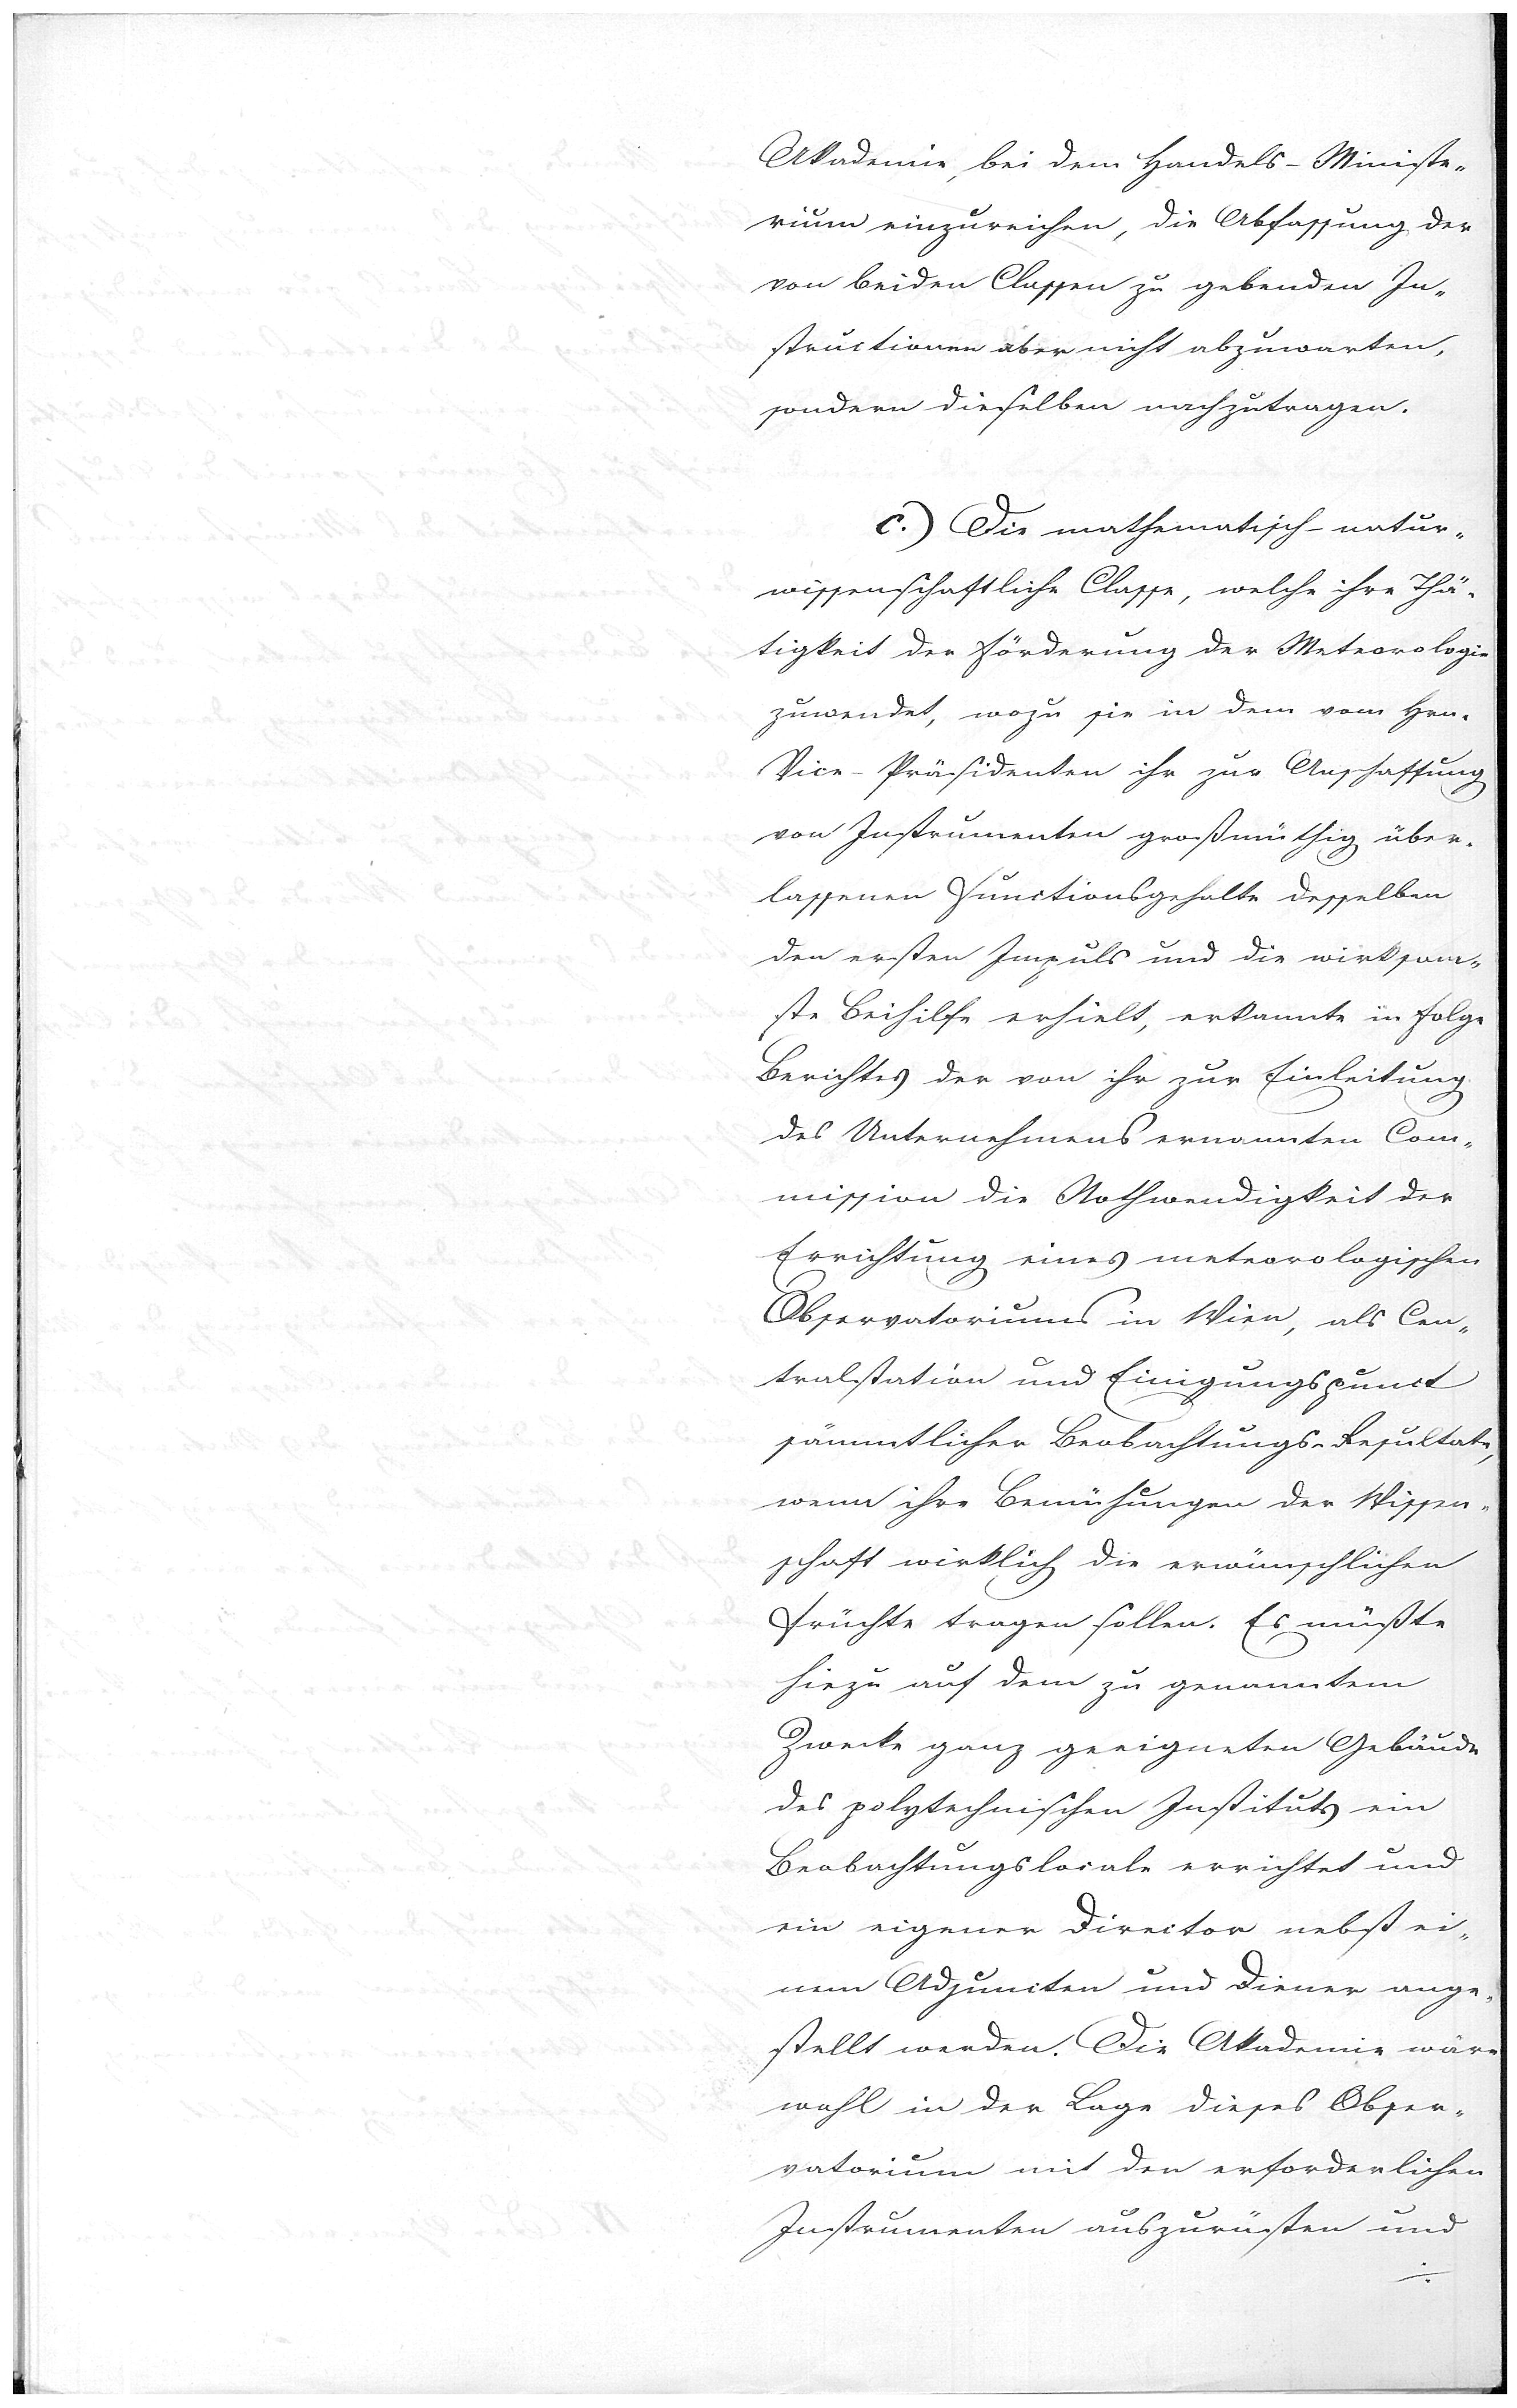Akademie, bei dem Handels-Ministe-
rium einzureichen, die Abfassung der
von beiden Classen zu gebenden In-
structionen aber nicht abzuwarten,
sondern dieselben nachzutragen.
c) Die mathematisch-natur-
wissenschaftliche Classe, welche ihre Thä-
tigkeit der Förderung der Meteorologie
zuwendet, wozu sie in dem vom Hrn.
Vice-Präsidenten ihr zur Anschaffung
von Instrumenten großmüthig über-
lassenen Functionsgehalte desselben
den ersten Impuls und die wirksam-
ste Beihilfe erhielt, erkannt in Folge
Berichtes der von ihr zur Einleitung
des Unternehmens ernannten Com-
mission die Nothwendigkeit der
Errichtung eines meteorologischen
Observatoriums in Wien, als Cen-
tralstation und Einigungspunct
sämmtlicher Beobachtungs-Resultate,
wenn ihre Bemühungen der Wissen-
schaft wirklich die erwünschlichen
Früchte tragen sollen. Es müßte
hiezu auf dem zu genannten
Zwecke ganz geeigneten Gebäude
des polytechnischen Instituts ein
Beobachtungslocale errichtet und
ein eigener Director nebst ei-
nem Adjuncten und Diener ange-
stellt werden. Die Akademie wäre
wohl in der Lage dieses Obser-
vatorium mit den erforderlichen
Instrumenten auszurüsten und